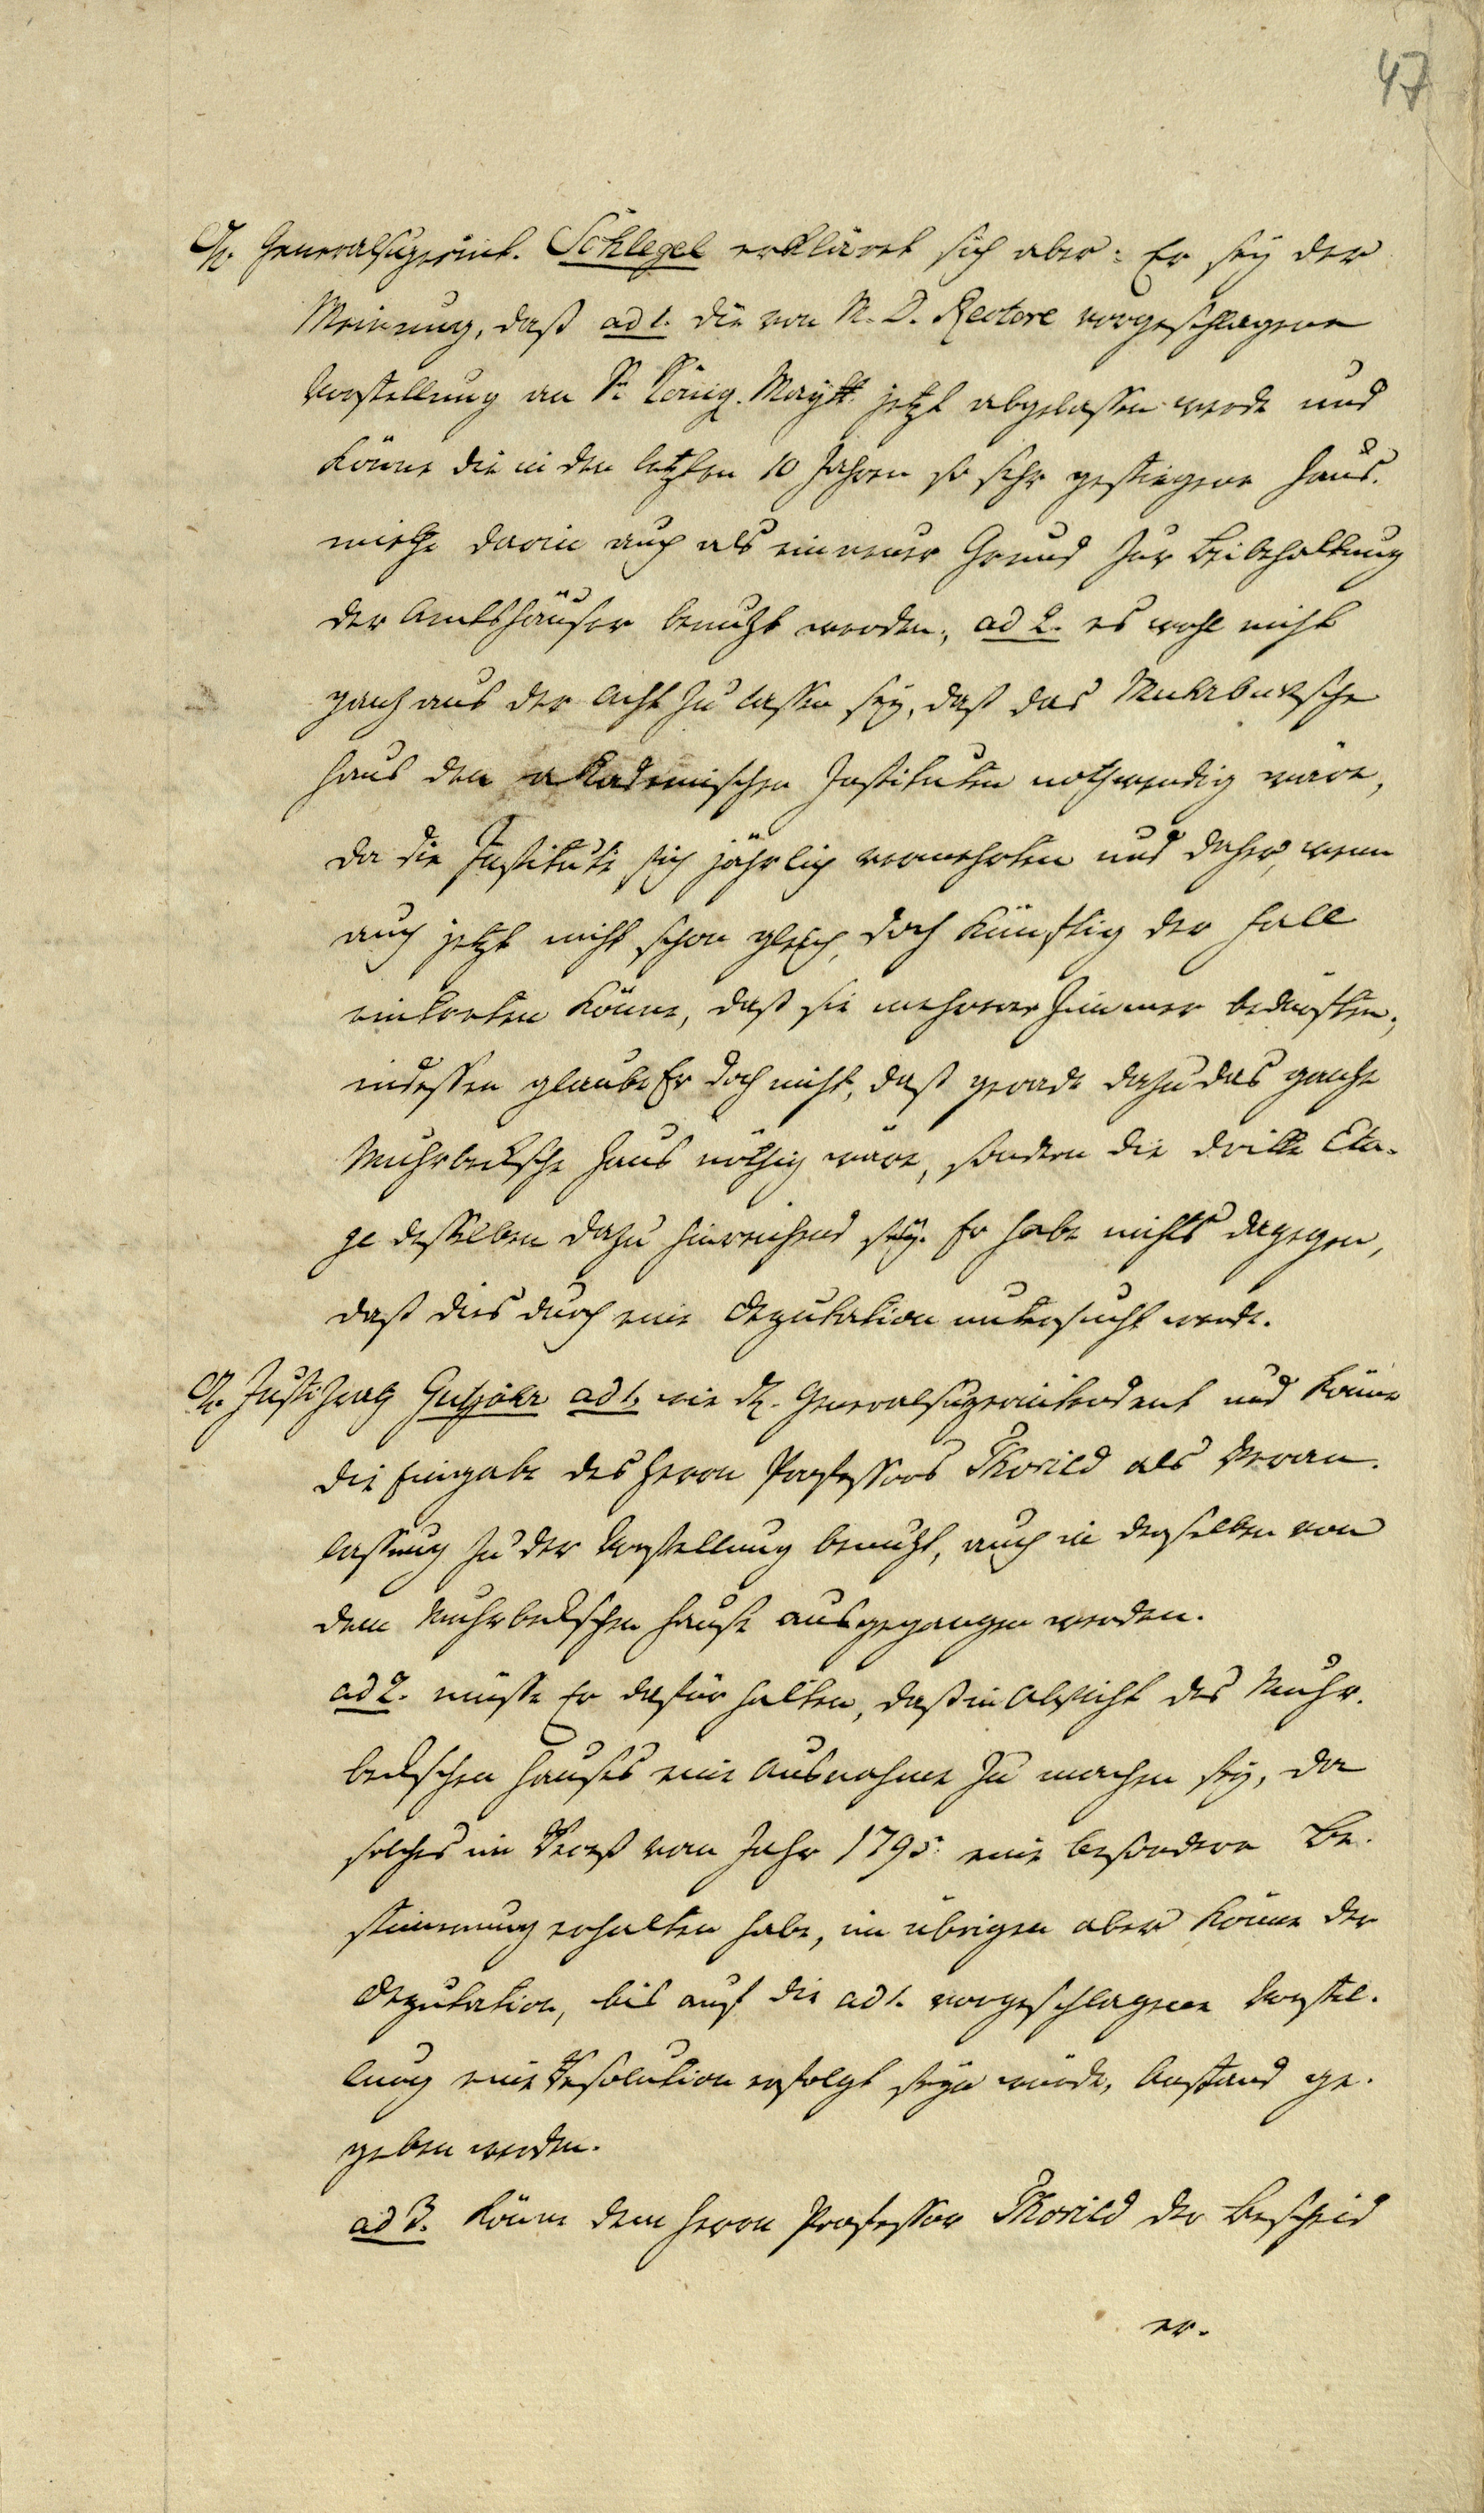dh. Generalsuperint. Schlegel erkläret sich aber: Er seÿ der
Meinung, daß ad 1. die von M. D. Rectore vorgeschlagene
Vorstellung an Sr. Königl. Maÿtt jetzt abgelassen werde und
könne die in den letzten 10 Jahren so sehr gestiegene Haus
miethe darin auch als ein neuer Grund zur Beibehaltung
der Amtshäuser benutzt werden, ad 2. es wohl nicht
ganz aus der Acht zu lassen seÿ, daß das Muhrbecksche
Haus den akademischen Instituten nothwendig wäre,
da die Institute sich jährlich vermehrten und daher, wenn
auch jetzt nicht schon gleich, doch künftig der Fall
eintreten könne, daß sie mehrerer Zimmer bedürften;
indessen glaube Er doch nicht, daß gerade dazu das ganze
Muhrbecksche Haus nöthig wäre, sondern die dritte Eta¬
ge desselben dazu hinreichend seÿ. Er habe nichts dagegen,
daß dies durch eine Deputation untersucht werde.
dh. Justizrath Gutjahr ad 1, wie dh. Generalsuperintendent und könne
die Eingabe des Herrn Professors Thorild als Veran¬
lassung zu der Vorstellung benutzt, auch in derselben von
dem Muhrbeckschen Hause ausgegangen werden.
ad 2. müsse Er dafür halten, daß in Absicht des Muhr¬
beckschen Hauses eine Ausnahme zu machen seÿ, da
solches im Receß von Jahr 1795 eine besondere Be¬
stimmung erhalten habe, in übrigen aber könne der
Deputation, bis auf die ad 1. vorgeschlagene Vorstel¬
lung eine Resolution erfolgt seÿn würde, Anstand ge¬
geben werden.
ad 3. könne dem Herrn Professor Thorild der Bescheid
er